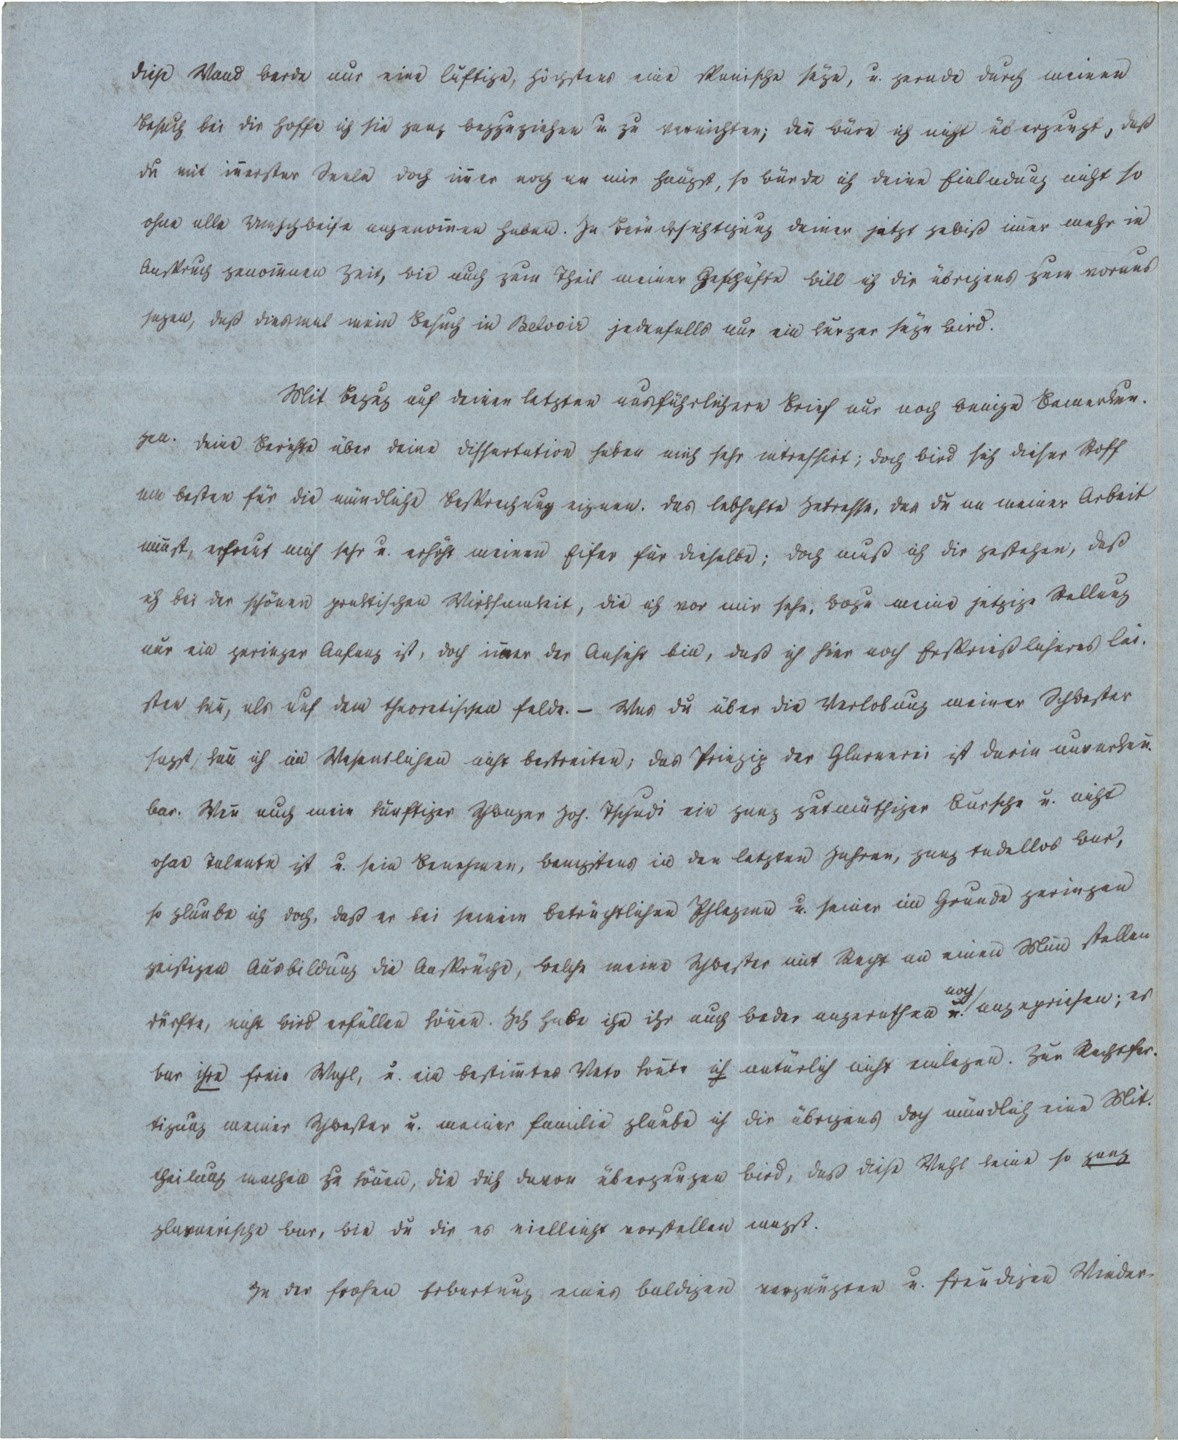diese Wand werde nur eine luftige, höchstens eine spanische seyn, u. gerade durch meinen
Besuch bei dir hoffe ich sie ganz wegzuziehen u. zu vernichten; denn wäre ich nicht überzeugt, daß
du mit innerster Seele doch immer noch an mir hängst, so würde ich deine Einladung nicht so
ohne alle Umschweife angenommen haben. In Berücksichtigung deiner jetzt gewiß immer mehr in
Anspruch genommnen Zeit, wie auch zum Theil meiner Geschäfte will ich dir übrigens zum voraus
sagen, daß diesmal mein Besuch in Belvoir jedenfalls nur ein kurzer seyn wird.
Mit Bezug auf deinen letzten ausführlichen Brief nur noch wenige Bemerkun-
gen. Deine Berichte über deine Dissertation haben mich sehr intressirt; doch wird sich dieser Stoff
am besten für die mündliche Besprechung eignen. Das lebhafte Intresse, das du an meiner Arbeit
nimmst, erfreut mich sehr u. erhöht meinen Eifer für dieselbe; doch muß ich dir gestehen, daß
ich bei der schönen praktischen Wirksamkeit, die ich vor mir sehe, wozu meine jetzige Stellung
nur ein geringer Anfang ist, doch immer der Ansicht bin, daß ich hier noch Ersprießlicheres lei-
sten kann, als auf dem theoretischen Felde. – Was du über die Verlobung meiner Schwester
sagst, kann ich im Wesentlichen nicht bestreiten; das Prinzip der Glarnerei ist darin unverkenn-
bar. Wenn auch mein künftiger Schwager Joh. Tschudi ein ganz gutmüthiger Bursche u. nicht
ohne Talente ist u. sein Benehmen, wenigstens in den letzten Jahren, ganz tadellos war,
so glaube ich doch, daß er bei seinem beträchtlichen Phlegma u. seiner im Grunde geringen
geistigen Ausbildung die Ansprüche, welche meine Schwester mit Recht an einen Mann stellen
dürfte, nicht wird erfüllen können. Ich habe ihn ihr auch weder angerathen u.noch angepriesen; es
war ihre freie Wahl, u. ein bestimmtes Veto konnte ich natürlich nicht einlegen. Zur Rechtfer-
tigung meiner Schwester u. meiner Familie glaube ich dir übrigens doch mündlich eine Mit-
theilung machen zu können, die dich davon überzeugen wird, daß diese Wahl keine so ganz
glarnerische war, wie du dir es vielleicht vorstellen magst.
In der frohen Erwartung eines baldigen vergnügten u. freudigen Wieder-